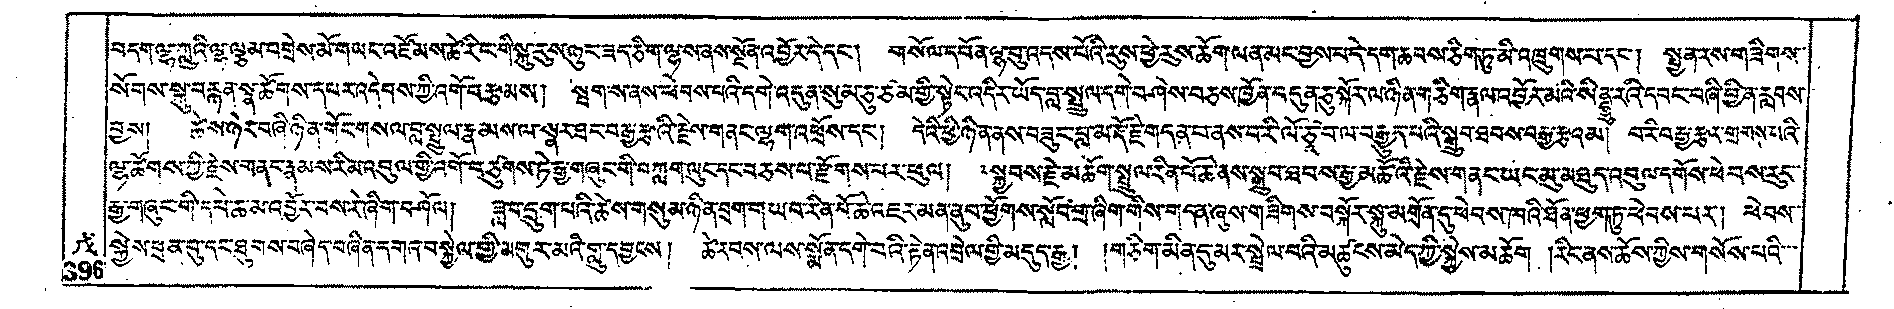བདག་ལྷ་ཀླུའི་ལྷ་ལྕམ་བགརདས་མོ་གཡང་འཛོམས་ཚེ་རིང་གི་སྐུ་རུས་ཉུང་ཟད་ཅིག་ལྷ་ས་ནས་སྔོན་འབྱོར་དེ་དང་། གསོལ་པོན་ལྷ་བུ་འདས་པོའི་རུས་ཕྱེ་རུས་ཆོག་ལན་མང་བྱས་པ་དེདག་ཆབས་ཅིག་ཏུ་མི་འཁྲུགས་པ་དང་། སྤྱན་རས་གཟིགས་
སོགས་སྐུ་བརྙན་སྣ་ཚོགས་དཔར་འདེབས་ཀྱི་འགོ་བརྩམས། སྦག་ས་ནས་ཕེབས་པའི་དགེ་འདུན་སུམ་ཅུ་ཙམ་གྱི་སྟེང་འདིར་ཡོད་བླ་སྤྲུལ་དགེ་བཤེས་བཅས་ཁྱོན་བདུན་ཅུ་སྐོར་ལ་ཉིན་གཅིག་རྣལ་འབྱོར་མའི་སིནྡྷུ་རའི་དབང་བཞི་བྱིན་རླབས་
བྱས། ཚེས་ཉེར་བཞི་ཉིན་གོང་གསལ་བླ་སྤྲུལ་རྣམས་ལ་སྣར་ཐང་བརྒྱ་རྩའི་རྗེས་གནང་ལྷག་འཕྲོས་དང་། དེའི་ཕྱི་ཉིན་ནས་བཟུང་བླ་མ་རྡོ་རྗེ་གདན་པ་ནས་བ་རི་ལོ་ཙཱ་བ་ལ་བརྒྱུད་པའི་སྒྲུབ་ཐབས་བརྒྱ་རྩའམ། བ་རི་བརྒྱ་རྩར་གྲགས་པའི་
ལྷ་ཚོགས་ཀྱི་རྗེས་གནང་རྣམས་རིམ་འབུལ་གྱི་འགོ་བཙུགས་ཏེ་རྒྱ་གཞུང་གི་བཀླག་ལུང་དང་བཅས་པ་རྫོགས་པར་ཕུལ། ༧སྐྱབས་རྗེ་མཆོག་སྤྲུལ་རིན་པོ་ཆེ་ནས་སྒྲུབ་ཐབས་རྒྱ་མཚོའི་རྗེས་གནང་ཡང་མུ་མཐུད་འབུལ་དགོས་ཕེབས་རུང་
རྒྱ་གཞུང་གི་དཔེ་ཆ་མ་འབྱོར་བས་རེ་ཞིག་བཤོལ། ཟླ་བ་དྲུག་པའི་ཚེས་གསུམ་ཉིན་བྲག་གཡབ་རིན་པོ་ཆེ་འཇར་མན་ནུབ་ཕྱོགས་སློབ་གྲ་ཞིག་གིས་གདན་ཞུས་གཟིགས་བསྐོར་སྐུ་མགྲོན་དུ་ཕེབས་ཁའི་ཐོན་ཕྱག་ཏུ་ཕེབས་པར། ཕེབས་
སྐྱེས་ཕྲན་བུ་དང་ཐུགས་བཞེད་བཞིན་དགའ་བསྐྱེལ་གྱི་མགུར་མའི་གླུ་དབྱངས། ཚེ་རབས་ལས་སྨོན་དགེ་བའི་རྟེན་འབྲེལ་གྱི་མདུད་རྒྱ། །གཅིག་མིན་དུ་མར་སྦྲེལ་བའི་མཚུངས་མེད་ཀྱི་སྐྱེས་མཆོག །རིང་ནས་ཆོས་ཀྱིས་གསོས་པའི་